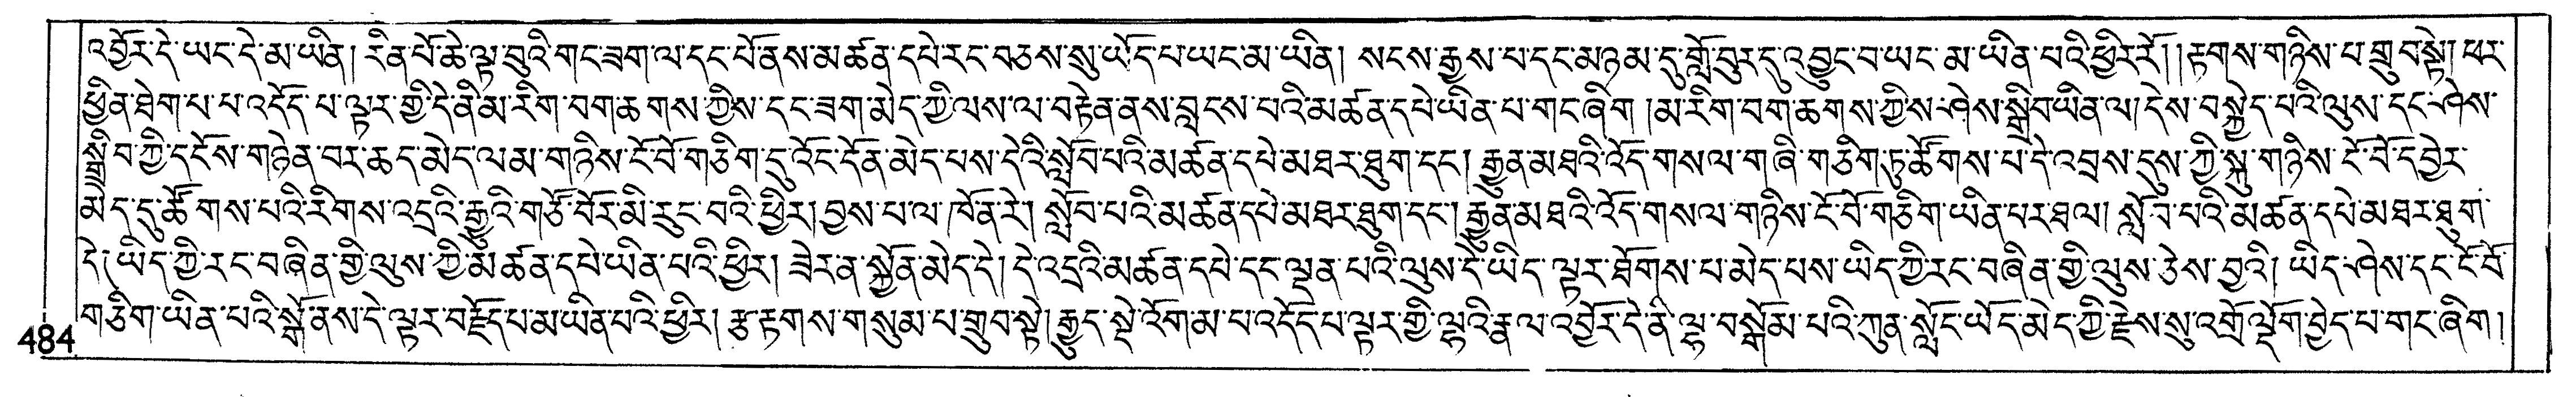འབྱོར་དེ་ཡང་དེ་མ་ཡིན། རིན་པོ་ཆེ་ལྟ་བུའི་གང་ཟག་ལ་དང་པོ་ནས་མཚན་དཔེ་རང་བཅས་སུ་ཡོད་པ་ཡང་མ་ཡིན། སངས་རྒྱས་པ་དང་མཉམ་དུ་གློ་བུར་དུ་འབྱུང་བ་ཡང་མ་ཡིན་པའི་ཕྱིར་རོ། །རྟགས་གཉིས་པ་གྲུབ་སྟེ། ཕར་
ཕྱིན་ཐེག་པ་པ་འདོད་པ་ལྟར་གྱི་དེ་ནི་མ་རིག་བག་ཆགས་ཀྱིས་དང་ཟག་མེད་ཀྱི་ལས་ལ་བརྟེན་ནས་བླངས་པའི་མཚན་དཔེ་ཡིན་པ་གང་ཞིག །མ་རིག་བག་ཆགས་ཀྱིས་ཤེས་སྒྲིབ་ཡིན་ལ། དེས་བསྐྱེད་པའི་ལུས་དང་ཤེས་
སྒྲིབ་ཀྱི་དངོས་གཉེན་བར་ཆད་མེད་ལམ་གཉིས་ངོ་བོ་གཅིག་དུ་འོང་དོན་མེད་པས་དེའི་སློབ་པའི་མཚན་དཔེ་མཐར་ཐུག་དང་། རྒྱུན་མཐའི་འོད་གསལ་གཞི་གཅིག་ཏུ་ཚོགས་པ་དེ་འབྲས་དུས་ཀྱི་སྐུ་གཉིས་ངོ་བོ་དབྱེར་
མེད་དུ་ཚོགས་པའི་རིགས་འདྲའི་རྒྱུའི་གཙོ་བོར་མི་རུང་བའི་ཕྱིར། བྱས་པ་ལ་ཁོ་ན་རེ། སློབ་པའི་མཚན་དཔེ་མཐར་ཐུག་དང་། རྒྱུན་མཐའི་འོད་གསལ་གཉིས་ངོ་བོ་གཅིག་ཡིན་པར་ཐལ། སློབ་པའི་མཚན་དཔེ་མཐར་ཐུག་
དེ༑ ཡིད་ཀྱི་རང་བཞིན་གྱི་ལུས་ཀྱི་མཚན་དཔེ་ཡིན་པའི་ཕྱིར། ཟེར་ན་སྐྱོན་མེད་དེ། དེ་འདྲའི་མཚན་དཔེ་དང་ལྡན་པའི་ལུས་དེ་ཡིད་ལྟར་ཐོགས་པ་མེད་པས་ཡིད་ཀྱི་རང་བཞིན་གྱི་ལུས་ཅེས་བྱའི། ཡིད་ཤེས་དང་ངོ་བོ་
གཅིག་ཡིན་པའི་སྒོ་ནས་དེ་ལྟར་བརྗོད་པ་མ་ཡིན་པའི་ཕྱིར། རྩ་རྟགས་གསུམ་པ་གྲུབ་སྟེ། རྒྱུད་སྡེ་འོག་མ་པ་འདོད་པ་ལྟར་གྱི་ལྷའི་རྣལ་འབྱོར་དེ་ནི་ལྷ་བསྒོམ་པའི་ཀུན་སློང་ཡོད་མེད་ཀྱི་རྗེས་སུ་འགྲོ་ལྡོག་བྱེད་པ་གང་ཞིག །